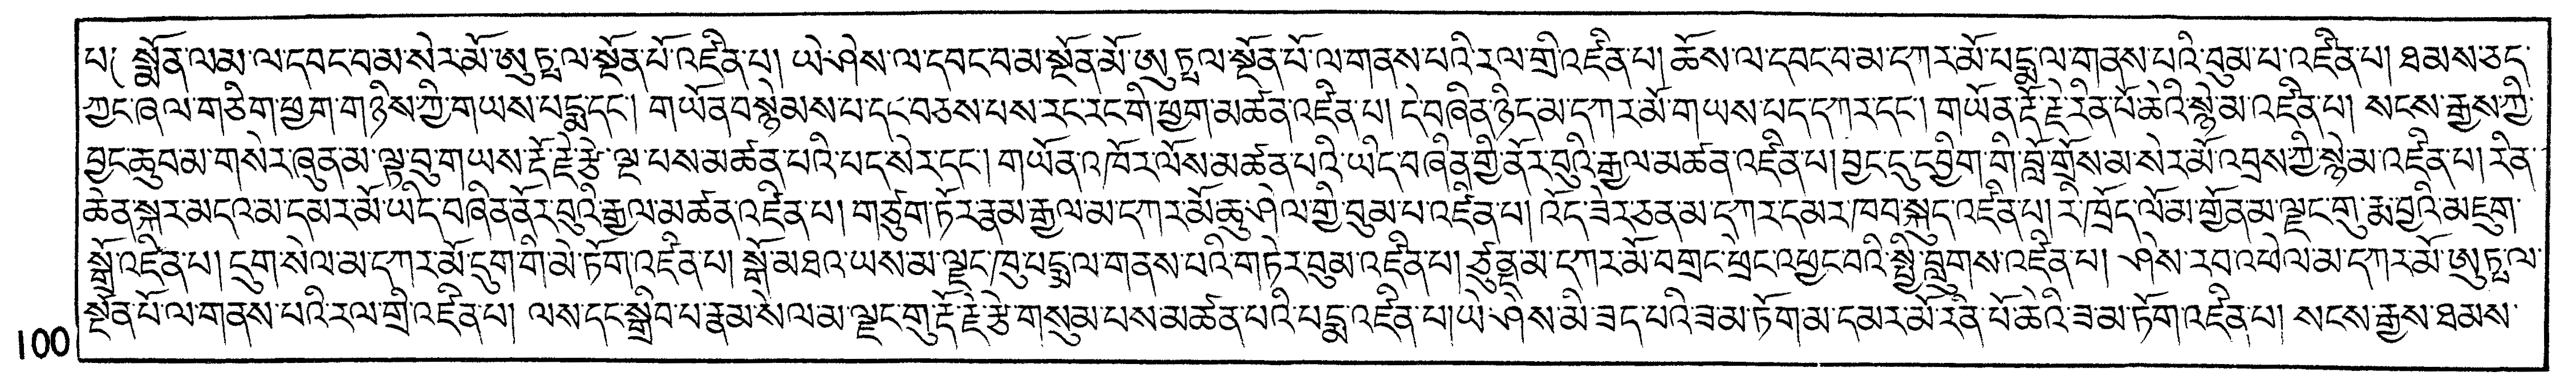པ༑ སྨོན་ལམ་ལ་དབང་བ་མ་སེར་མོ་ཨུཏྤལ་སྔོན་པོ་འཛིན་པ། ཡེ་ཤེས་ལ་དབང་བ་མ་སྔོན་མོ་ཨུཏཔལ་སྔོན་པོ་ལ་གནས་པའི་རལ་གྲི་འཛིན་པ། ཆོས་ལ་དབང་བ་མ་དཀར་མོ་པདམ་ལ་གནས་པའི་བུམ་པ་འཛིན་པ། ཐམས་ཅད་
ཀྱང་ཞལ་གཅིག་ཕྱག་གཉིས་ཀྱི་གཡས་པདམ་དང་། གཡོན་བསྙེམས་པ་དང་བཅས་པས་རང་རང་གི་ཕྱག་མཚན་འཛིན་པ། དེ་བཞིན་ཉིད་མ་དཀར་མོ་གཡས་པད་དཀར་དང་། གཡོན་རྡོ་རྗེ་རིན་པོ་ཆེའི་སྙེ་མ་འཛིན་པ། སངས་རྒྱས་ཀྱི་
བྱང་ཆུབ་མ་གསེར་ཞུན་མ་ལྟ་བུ་གཡས་རྡོ་རྗེ་རྩེ་ལྔ་པས་མཚན་པའི་པད་སེར་དང་། གཡོན་འཁོར་ལོས་མཚན་པའི་ཡིད་བཞིན་གྱི་ནོར་བུའི་རྒྱལ་མཚན་འཛིན་པ། བྱང་དུ་དབྱིག་གི་བློ་གྲོས་མ་སེར་མོ་འབྲས་ཀྱི་སྙེ་མ་འཛིན་པ། རིན་
ཆེན་སྐར་མདའ་མ་དམར་མོ་ཡིད་བཞིན་ནོར་བུའི་རྒྱལ་མཚན་འཛིན་པ། གཙུག་ཏོར་རྣམ་རྒྱལ་མ་དཀར་མོ་ཆུ་ཤེལ་གྱི་བུམ་པ་འཛིན་པ། འོད་ཟེར་ཅན་མ་དཀར་དམར་ཁབ་སྐུད་འཛིན་པ། རི་ཁྲོད་ལོ་མ་གྱོན་མ་ལྗང་གུ་རྨ་བྱའི་མཇུག་
སྒྲོ་འཛིན་པ། དུག་སེལ་མ་དཀར་མོ་དུག་གི་མེ་ཏོག་འཛིན་པ། སྒོ་མཐའ་ཡས་མ་ལྗང་ཁུ་པདམ་ལ་གནས་པའི་གཏེར་བུམ་འཛིན་པ། ཙུནྡ་མ་དཀར་མོ་བགྲང་ཕྲེང་འཕྱང་བའི་སྤྱི་བླུགས་འཛིན་པ། ཤེས་རབ་འཕེལ་མ་དཀར་མོ་ཨུཏྤལ་
སྔོན་པོ་ལ་གནས་པའི་རལ་གྲི་འཛིན་པ། ལས་དང་སྒྲིབ་པ་རྣམ་སེལ་མ་ལྗང་གུ་རྡོ་རྗེ་རྩེ་གསུམ་པས་མཚན་པའི་པདམ་འཛིན་པ། ཡེ་ཤེས་མི་ཟད་པའི་ཟ་མ་ཏོག་མ་དམར་མོ་རིན་པོ་ཆེའི་ཟ་མ་ཏོག་འཛིན་པ། སངས་རྒྱས་ཐམས་